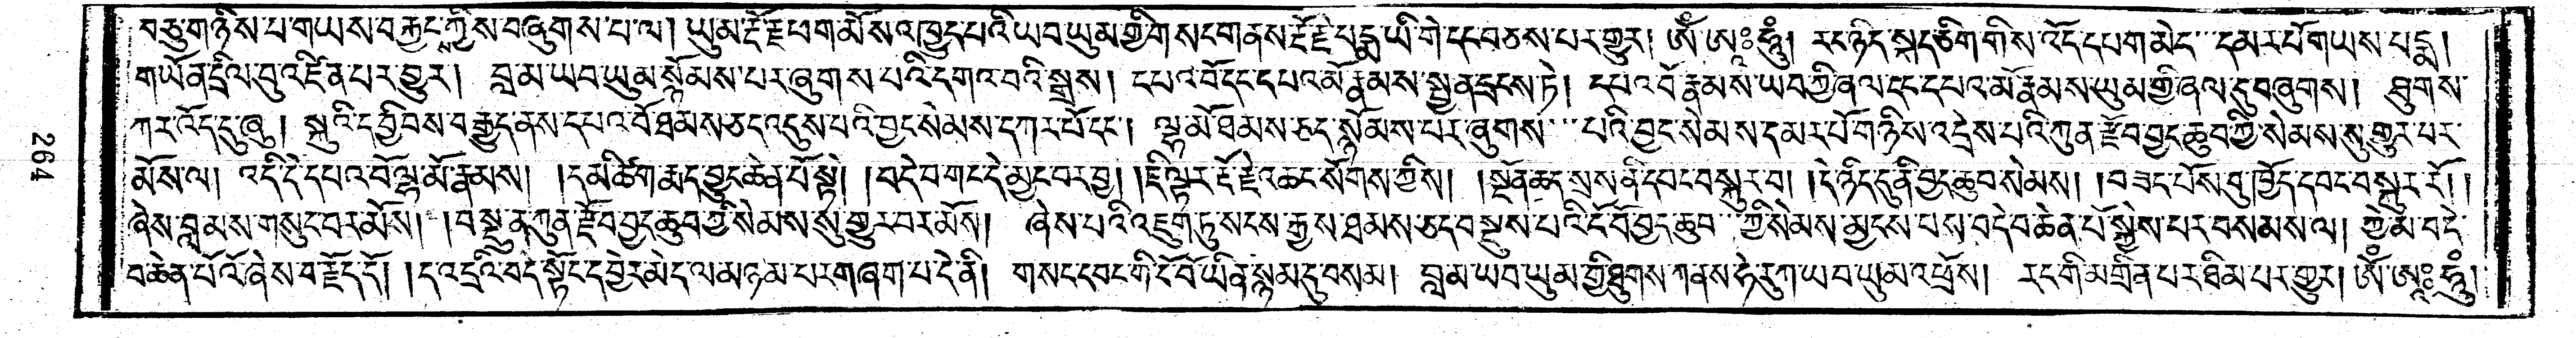བཅུ་གཉིས་པ་གཡས་བརྐྱངས་གྱིས་བཞུགས་པ་ལ། ཡུམ་རྡོ་རྗེ་ཕག་མོས་འཁྱུད་པའི་ཡབ་ཡུམ་གྱི་གསང་གནས་རྡོ་རྗེ་པདམ་ཡི་གེ་དང་བཅས་པར་གྱུར། ཨོཾ་ཨཱཿ ཧཱུཾ། རང་ཉིད་སྐད་ཅིག་གིས་འོད་དཔག་མེད་དམར་པོ་གཡས་པདམ། གཡོན་དྲིལ་བུ་འཛིན་པར་བྱུར། བླ་མ་ཡབ་ཡུམ་སྙོམས་པར་ཞུགས་པའི་དགའ་བའི་སྒྲས། དཔའ་བོ་དང་དཔའ་མོ་རྣམས་སྤྱན་དྲངས་ཏེ། དཔའ་བོ་རྣམས་ཡབ་ཀྱི་ཞལ་དང་དཔའ་མོ་རྣམས་ཡུམ་གྱི་ཞལ་དུ་བཞུགས། ཐུགས་
ཀར་འོད་དུ་ཞུ། སྐུའི་དབྱིབས་བརྒྱུད་ནས་དཔའ་བོ་ཐམས་ཅད་འདུས་པའི་བྱང་སེམས་དཀར་པོ་དང་། ལྷ་མོ་ཐམས་ཅད་སྙོམས་པར་ཞུགས་པའི་བྱང་སེམས་དམར་པོ་གཉིས་འདྲེས་པའི་ཀུན་རྫོབ་བྱང་ཆུབ་ཀྱི་སེམས་སུ་གྱུར་པར་
མོས་ལ། འདི་དེ་དཔའ་བོ་ལྷ་མོ་རྣམས། །དམ་ཚིག་རྨད་བྱུང་ཆེན་པོ་སྟེ། །བདེ་བ་གང་དེ་མྱང་བར་བྱ། །ཇི་ལྟར་རྡོ་རྗེ་འཆང་སོགས་ཀྱིས། །སྔོན་ཆད་སྲས་ནི་དབང་བསྐུར་བ། །དེ་ཉིད་དུ་ནི་བྱང་ཆུབ་སེམས། །བཟང་པོས་བུ་ཁྱོད་དབང་བསྐུར་རོ། །
ཞེས་བླ་མས་གསུང་བར་མོས། །བསྡུ་ན་ཀུན་རྫོབ་བྱང་ཆུབ་ཀྱི་སེམས་སུ་གྱུར་བར་མོས། ཞེས་པའི་འཇུག་ཏུ་སངས་རྒྱས་ཐམས་ཅད་བསྡུས་པའི་ངོ་བོ་བྱང་ཆུབ་ཀྱི་སེམས་མྱངས་པས་བདེ་བ་ཆེན་པོ་སྐྱེས་པར་བསམས་ལ། ཀྱེ་མ་བདེ་
བ་ཆེན་པོའོ་ཞེས་བརྗོད་དོ། །ད་འདྲའི་བདེ་སྟོང་དབྱེར་མེད་ལ་མཉམ་པར་གཞག་པ་དེ་ནི། གསང་དབང་གི་ངོ་བོ་ཡིན་སྙམ་དུ་བསམ། བླ་མ་ཡབ་ཡུམ་གྱི་ཐུགས་ཀ་ནས་ཧེ་རུ་ཀ་ཡབ་ཡུམ་འཕྲོས། རང་གི་མགྲིན་པར་ཐིམ་པར་གྱུར། ཨོཾ་ཨཱཿ ཧཱུཾ།